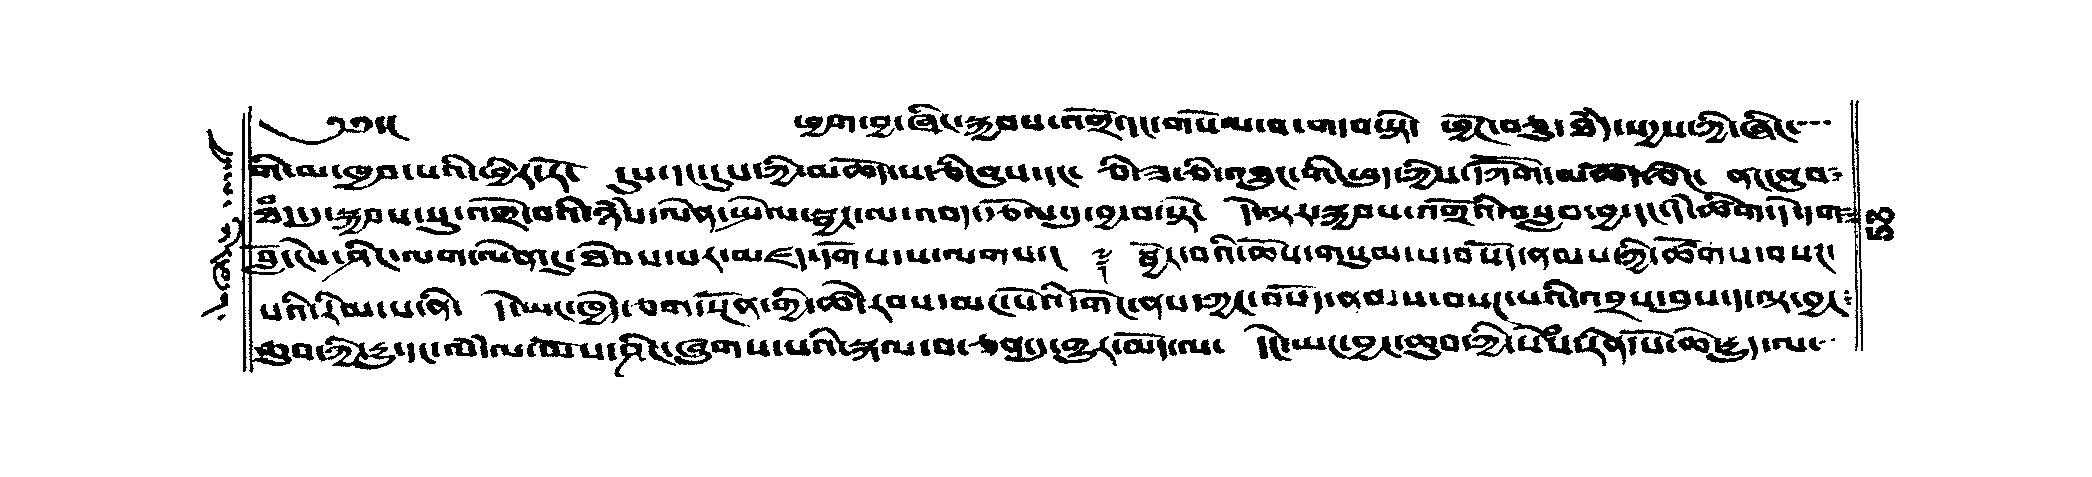ཕྱག་བྱ་ཞིང་སྐྱབས་འགྲོ་དང་གསོལ་བ་གདབ་སྟེ། ཕྱོགས་བཅུ་ཐམས་ཅད་སངས་རྒྱས་ཀྱི་ཞིང་
གི་མ་ཁྱབ་པའི་ཕྱིར་རོ། དུས་དང་དུས་ཀྱི་མཆོད་པ་ཅི་ནུས་དང་། ཅི་ཟ་ཅི་འཐུང་གི་ཕུད་ཀྱིས་དཀོན་མཆོག་མཆོད་ཅིང་། ནང་ནུབ་
ཐམས་ཅད་དུ་སྐྱབས་སུ་འགྲོ་བའི་ཉམས་ལེན་སྤེལ་སྦྱང་ལ་འབད་རྩོལ་དུ་བྱ་བ་སྟེ། དེ་ལྟར་སྐྱབས་འགྲོའི་བསླབ་བྱ་དང་དམ་ཚིག་དེ་དག་
བློ་ངེས་ཤིང་ལག་ལེན་དུ་ཐེབས་པར་མཛད་དགོས་པ་ལགས། ༈ སྦྱོར་བའི་ཆོས་གསུམ་པ་བསོད་ནམས་ཀྱི་ཚོགས་བསགས་
པའི་རིམ་པ་ནི། དེ་ཡང་ཁྱེད་ཅག་སྔོན་གྱི་ཚེ་རབས་མང་པོའི་དགོང་ནས་ཀྱང་བསོད་ནམས་བསགས་པའི་འབྲས་བུས་ད་ལྟ་བྱང་
ཆུབ་ཀྱི་རྒྱུ་དང་ལམ་ལ་མོས་ཤིང་ཞུགས་པའི་སྐབས་བ་ཅན་དུ་གྱུར་མོད་ལ། དེང་ཡང་བྱང་ཆུབ་ཀྱི་སེམས་རིན་པོ་ཆེ་རྒྱུད་ལ་